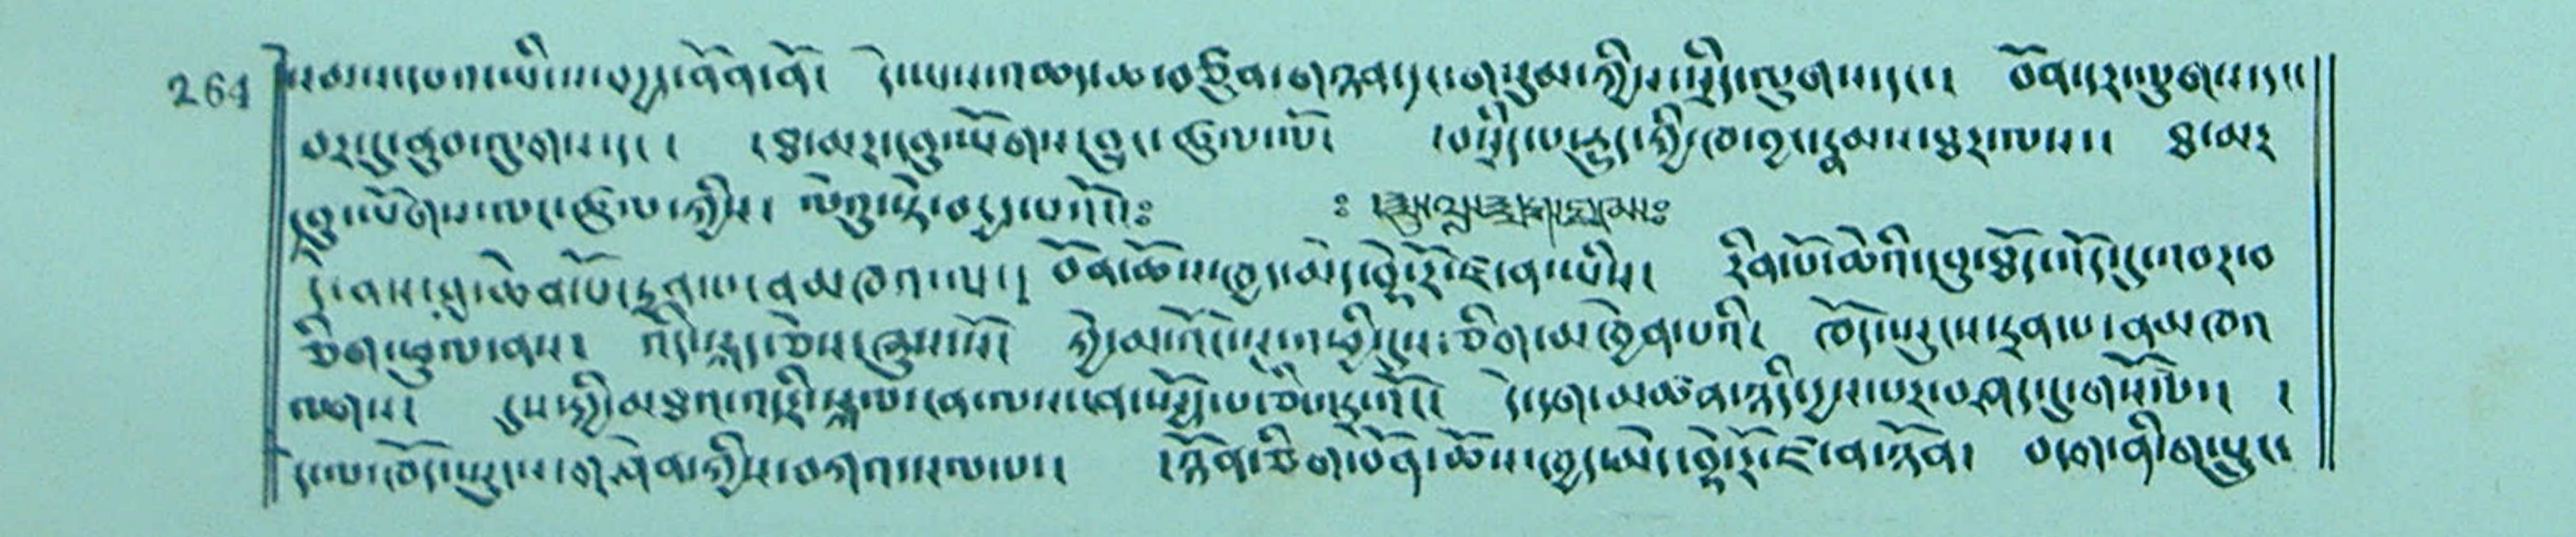སེམས་དཔའ་ཡི་ས་བརྒྱད་ནོན་ནོ། །དེ་ཡས་འཆད་ཆ་བཙུན་གཉན་དང་གསུམ་གྱི་སྲིད་ལུགས་དང་། བོན་དར་ལུགས་དང་། 
བར་དུ་ནུབ་ལུགས་དང་། ཐ་མར་དབུ་ཡོག་བྱུང་ཚུལ་ལོ། །བསྲིད་པ་རྒྱུད་ཀྱི་ཁ་བྱང་རྣམ་ཐར་ལས། ཐ་མར་
དབུ་ཡོག་ལང་ཚུལ་གྱིས། ལེའུ་སྟེ་བརྒྱད་པའོ།། 
དེ་ནས་བླ་ཆེན་པོ་དྲན་པ་ནམ་མཁའ་ལ། བོན་ཆོས་དབྱེར་མེད་བྷེ་རོ་ཛ་ན་ཡིས། རིན་པོ་ཆེའི་དབུ་ཐོད་འོད་དུ་འབར་བ་
ཅིག་ཕུལ་ནས། འདི་སྐད་ཅེས་ཞུས་སོ། །ཀྱེ་མ་འོངས་སྔ་འཕྱི་དུས་གཅིག་མཁྱེན་པའི། ཁོད་སྤུངས་དྲན་པ་ནམ་མཁའ་
ལགས། དུས་ཀྱི་མཐའ་འདིར་བསྐལ་ངན་ལས་ངན་སྤྱོད་པ་ཅི་འདྲ་འོང་། དེ་དག་མཚན་ཉིད་རྒྱས་པར་བཤད་དུ་གསོལ། 
དེ་ལ་ཁོད་སྤུངས་གཤེན་གྱིས་བཀའ་སལ་བ། ཉོན་ཅིག་བོན་ཆོས་ཁྱད་མེད་བྷེ་རོ་ཛ་ན་ཉོན། བདག་ནི་གཡུང་དྲུང་